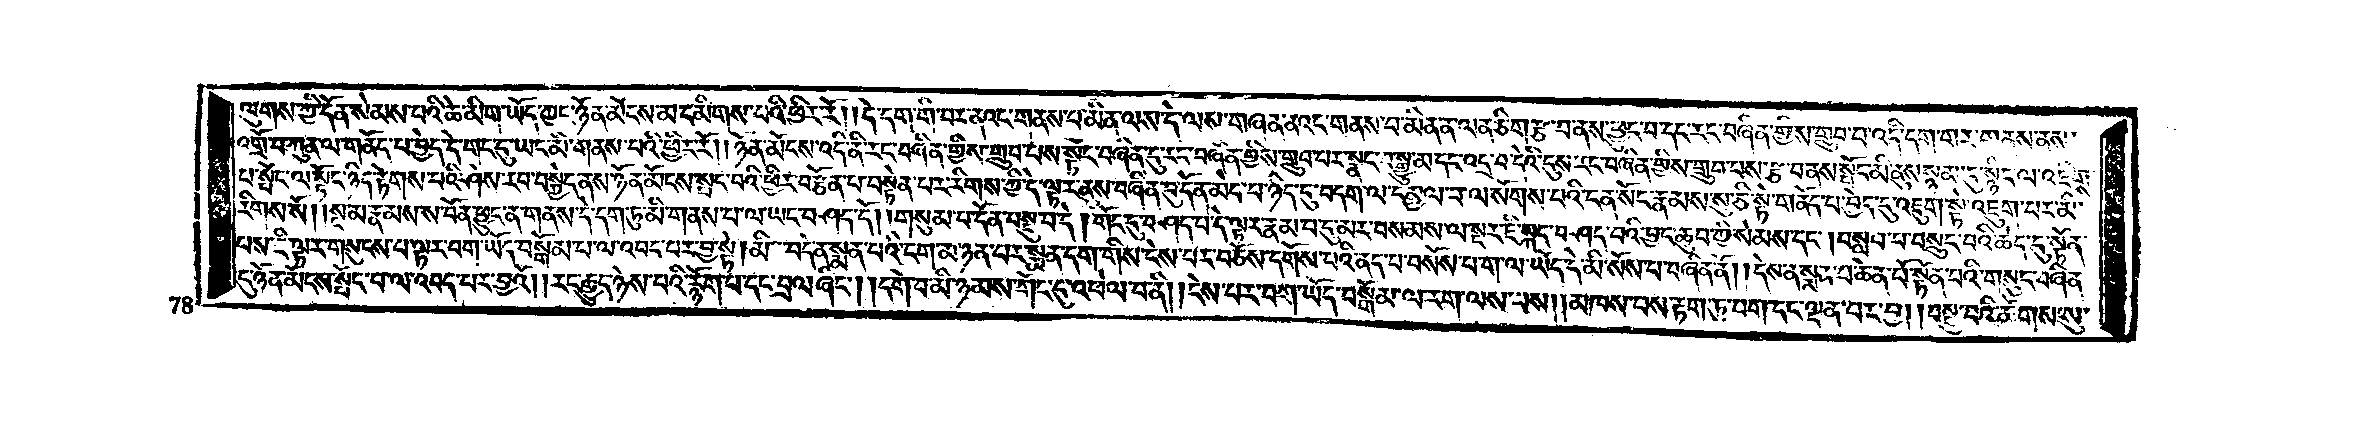ལུགས་ཀྱི་དོན་སེམས་པའི་ཚེ་མིག་ཡོད་ཀྱང་ཉོན་མོངས་མ་དམིགས་པའི་ཕྱིར་རོ། །དེ་དག་གི་བར་ནའང་གནས་པ་མིན་ལས་དེ་ལས་གཞན་ནའང་གནས་པ་མིན་ན་ལན་ཅིག་རྩ་བ་ནས་ཕུང་བ་དང་རང་བཞིན་གྱིས་གྲུབ་པ་འདི་དག་གར་གནས་ནས་
འགྲོ་བ་ཀུན་ལ་གནོད་པ་བྱེད་དེ་གང་དུ་ཡང་མི་གནས་པའི་ཕྱིར་རོ། །ཉོན་མོངས་འདི་ནི་རང་བཞིན་གྱིས་གྲུབ་པས་སྟོང་བཞིན་དུ་རང་བཞིན་གྱིས་གྲུབ་པར་སྣང་བ་སྒྱུ་མ་དང་འདྲ་བ་དེའི་དུས་རང་བཞིན་གྱིས་གྲུབ་པས་རྩ་བ་ནས་སྤོང་མི་ནུས་སྙམ་དུ་སྙིང་ལ་འཇིགས་
པ་སྤོང་ལ་སྟོང་ཉིད་རྟོགས་པའི་ཤེས་རབ་བསྐྱེད་ནས་ཉོན་མོངས་སྤང་བའི་ཕྱིར་བརྩོན་པ་བསྟེན་པར་རིགས་ཀྱི་དེ་ལྟར་ནུས་བཞིན་དུ་དོན་མེད་པ་ཉིད་དུ་བདག་ལ་དམྱལ་བ་ལ་སོགས་པའི་ངན་སོང་རྣམས་སུ་ཅི་སྟེ་གནོད་པ་བྱེད་དུ་འཇུག་སྟེ་འཇུག་པར་མི་
རིགས་སོ། །སྔ་མ་རྣམས་ས་བོན་ཕྱུང་ན་གནས་དེ་དག་ཏུ་མི་གནས་པ་ལ་ཡང་བཤད་དོ། །གསུམ་པ་དོན་བསྡུ་བ་དེ། གོང་དུ་བཤད་པ་དེ་ལྟར་རྣམ་པ་དུ་མར་བསམས་ལ་སྔར་ཇི་སྐད་བཤད་པའི་བྱང་ཆུབ་ཀྱི་སེམས་དང་། བསླབ་པ་བསྲུང་བའི་ཆེད་དུ་སྟོན་
པས་ཇི་ལྟར་གསུངས་པ་ལྟར་བག་ཡོད་བསྒོམ་པ་ལ་འབད་པར་བྱ་སྟེ། མི་བདེ་ན་སྨན་པའི་ངག་མ་ཉན་པར་སྨོན་དག་གིས་ངེས་པར་བཅོས་དོགས་པའི་ནད་པ་བསོས་པ་ག་ལ་ཡོད་དེ་མི་སོགས་པ་བཞིན་ནོ། །དེས་ན་སྨན་པ་ཆེན་པོ་སྟོན་པའི་གསུང་བཞིན་
དུ་ཉོན་མོངས་སྤོང་བ་ལ་འབད་པར་བྱའོ། །རང་རྒྱུད་ཉེས་པའི་རྙོག་པ་དང་བྲལ་ཞིང་། །དགེ་བ་མི་ཉམས་གོང་དུ་འཕེལ་བ་ནི། ངེས་པར་བག་ཡོད་བསྒོམ་ལ་རག་ལས་པས། །མཁས་པས་རྟག་ཏུ་བག་དང་ལྡན་པར་བྱ། །བསྡུ་བའི་ཚིགས་སུ་